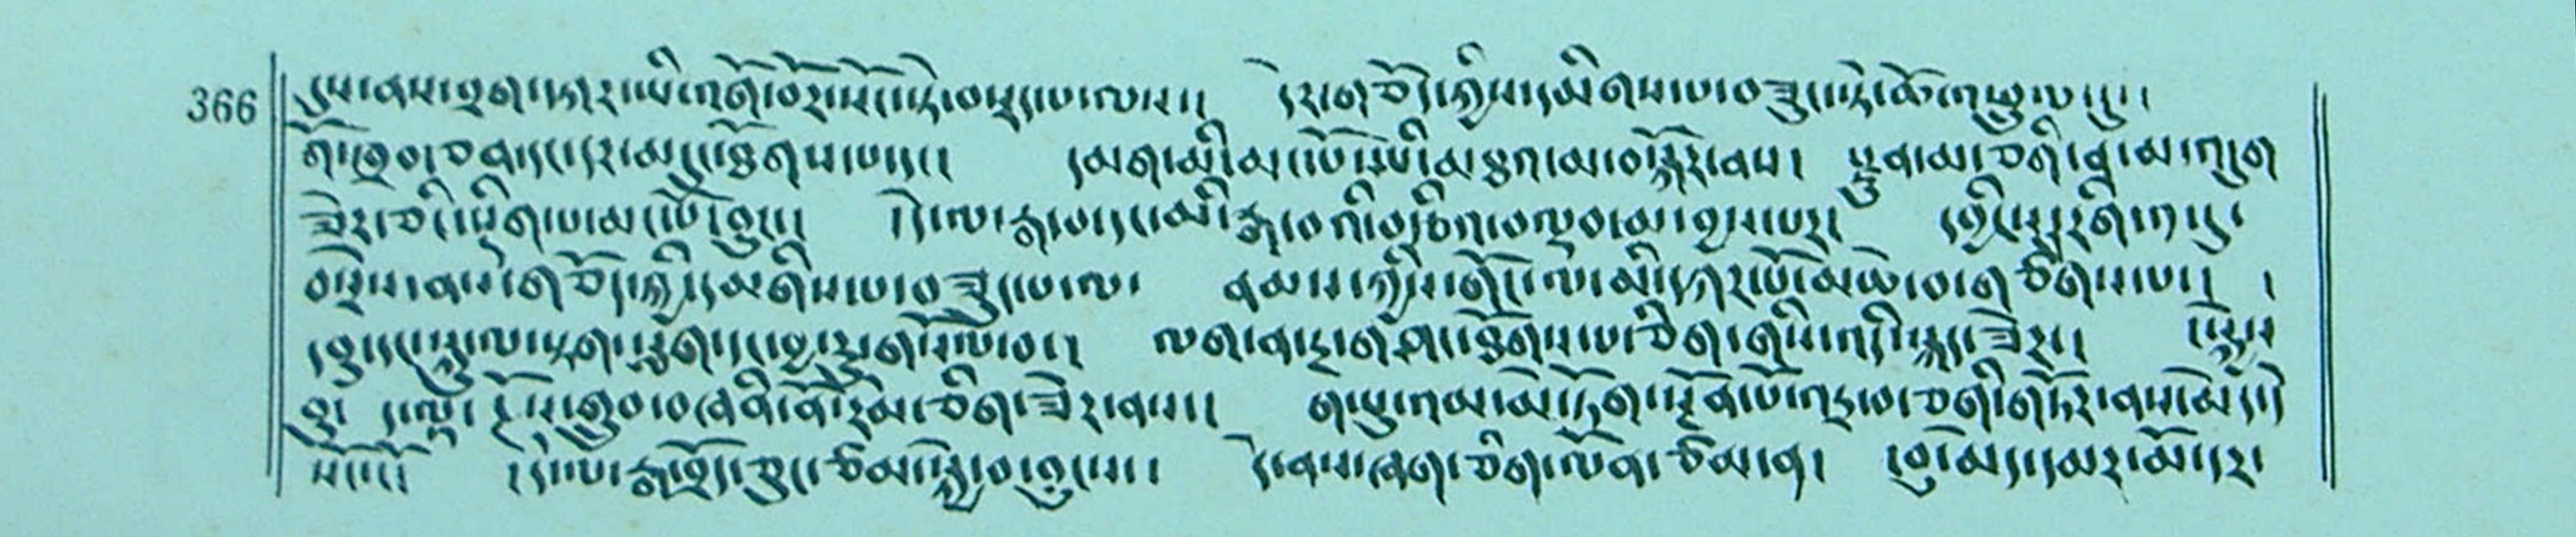དུས་ནས་བྲག་དཀར་གྱི་མགོ་བོར་སོང་སྟེ་བསྡད་པ་ལ། དེར་གཅོད་ཀྱི་དམིགས་པ་བཟུང་སྟེ་ཆོ་འཕྲུལ་དུ་
གོ་ཁྲབ་ཅན་དང་དར་མདུང་ཐོགས་པ་དང་། དམག་མི་མང་པོས་མཐའ་མ་བསྐོར་ནས། རྫུན་མ་གཅིག་འདི་ན་མ་འདུག་
ཟེར་ཅིང་སྡིག་པ་མང་པོ་བྱུང་། དེ་ལ་དགའ་བ་དང་མི་དགའ་བའི་རྩིས་བལྡབ་མ་བྱས་པར། དབྱིངས་རིགས་གཅིག་ཏུ་
བསྲེས་ནས་གཅོད་ཀྱི་དམིགས་པ་བཟུང་བ་ལ། ནམ་གྱི་གུང་ལ་མི་དཀར་པོ་མཆེ་བ་གཙིགས་པ། 
དབུ་དང་སྐུ་ལ་སྟག་སླག་དང་བྱ་རུ་གསོལ་བ། ལག་ན་རྔ་གཤང་ཐོགས་པ་གཅིག་གིས་འདི་སྐད་ཟེར། སྐྱེས་
བུ་ད་ལྟ་དངོས་གྲུབ་སྦྱིན་ནོ། །རེམས་ཅིག་ཟེར་ནས་གཡུའམ་མེ་ཏོག་སྔོན་པོ་འདྲ་བ་གཅིག་གཏོར་ནས་མེད་དེ་
སོང་ངོ་། །དེ་ལ་དགའ་བྲོད་ཅུང་ཙམ་སྐྱེ་བ་བྱུང་། དེ་ནས་ཞག་ཅིག་ལོན་ཙམ་ན། བུད་མེད་དམར་མོ་དར་